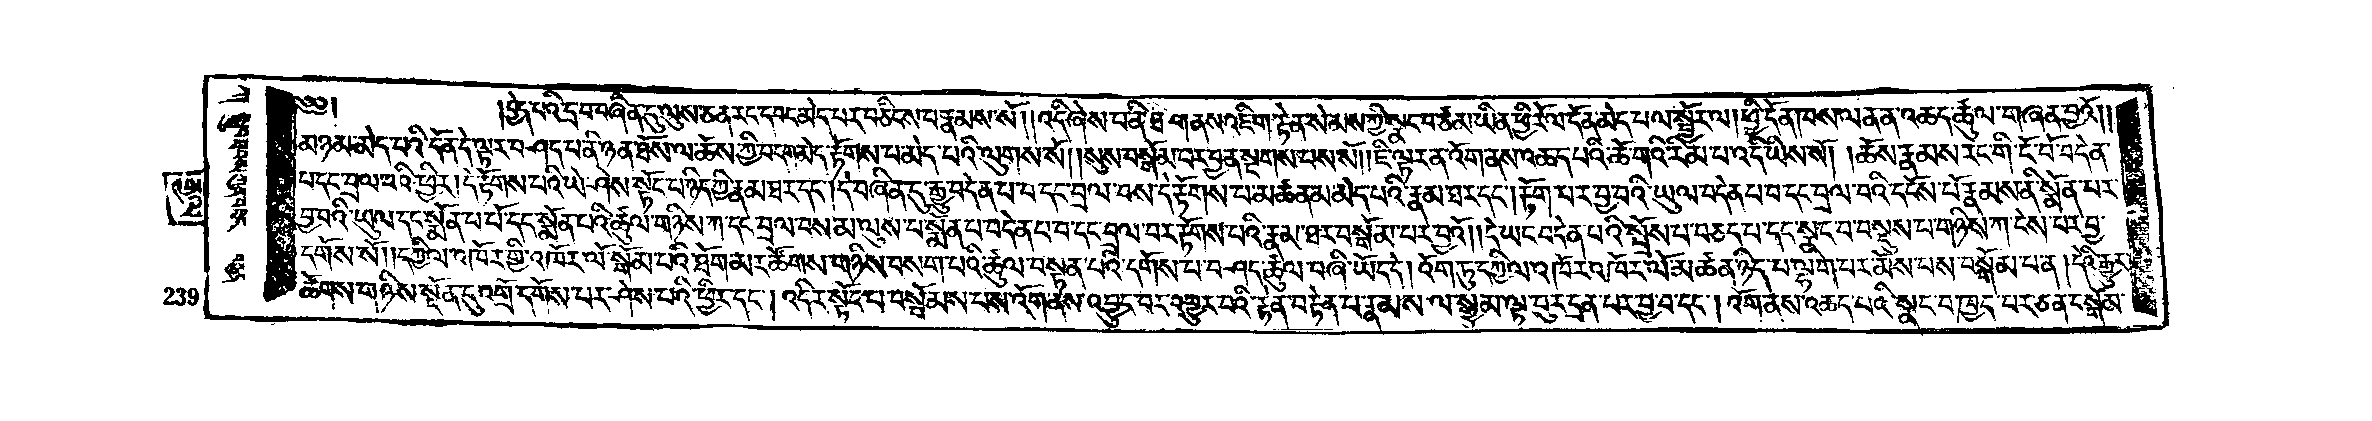༄༅། །བྱེད་པའི་དྲ་བ་བཞིན་དུ་ལུས་ཅན་རང་དབང་མེད་པར་བཅིངས་པ་རྣམས་སོ། །འདི་ཞེས་པ་ནི་ཐ་གནས་འཇིག་རྟེན་སེམས་ཀྱི་སྣང་བ་ཙམ་ཡིན་ཕྱི་རོལ་དོན་མེད་པ་ལ་སྦྱོར་ལ། ཕྱི་དོན་ཁས་ལན་ན་འཆད་ཚུལ་གཞན་བྱའོ། །
མཉམ་མེད་པའི་དོན་དེ་ལྟར་བཤད་པ་ནི་ཉན་ཐོས་ལ་ཆོས་ཀྱི་བདག་མེད་རྟོགས་པ་མེད་པའི་ལུགས་སོ། །སུས་བསྒོམ་པར་བྱ་ན་སྔགས་པས་སོ། །ཇི་ལྟར་ན་འོག་ནས་འཆད་པའི་ཆོ་གའི་རིམ་པ་འདི་ཡིས་སོ། །ཆོས་རྣམས་རང་གི་ངོ་བོ་བདེན་
པ་དང་བྲལ་བའི་ཕྱིར། དེ་རྟོགས་པའི་ཡེ་ཤེས་སྟོང་པ་ཉིད་ཀྱི་རྣམ་ཐར་དང་། དེ་བཞིན་དུ་རྒྱུ་བདེན་པ་བ་དང་བྲལ་བས་དེ་རྟོགས་པ་མཚན་མ་མེད་པའི་རྣམ་ཐར་དང་། རྟོག་པར་བྱ་བའི་ཡུལ་བདེན་པ་བ་དང་བྲལ་བའི་དངོས་པོ་རྣམས་ནི་སྨོན་པར་
བྱ་བའི་ཡུལ་དང་སྨོན་པ་པོ་དང་སྨོན་པའི་ཚུལ་གཉིས་ཀ་དང་བྲལ་བས་མ་ལུས་པ་སྨོན་པ་བདེན་པ་བ་དང་བྲལ་བར་རྟོགས་པའི་རྣམ་ཐར་བསྒོམ་པར་བྱའོ། །དེ་ཡང་བདེན་པའི་སྤྲོས་པ་བཅད་པ་དང་སྣང་བ་བསྡུས་པ་གཉིས་ཀ་ངེས་པར་བྱ་
དགོས་སོ། །དཀྱིལ་འཁོར་གྱི་འཁོར་ལོ་སྒོམ་པའི་ཐོག་མར་ཚོགས་གཉིས་བསགས་པའི་ཚུལ་བསྟན་པའི་དགོས་པ་བཤད་ཚུལ་བཞི་ཡོད་དེ། འོག་ཏུ་དཀྱིལ་འཁོར་འཁོར་ལོ་མཚན་ཉིད་པ་ལྷག་པར་མོས་པས་བསྒོམ་པ་ན། དེའི་རྒྱུར་
ཚོགས་གཉིས་སྔོན་དུ་འགྲོ་དགོས་པར་ཤེས་པའི་ཕྱིར་དང་། འདིར་སྟོང་པ་བསྒོམས?་པས་འོག་ནས་འབྱུང་བར་འགྱུར་བའི་རྟེན་བརྟེན་པ་རྣམས་ལ་སྒྱུ་མ་ལྟ་བུར་དྲན་པར་བྱ་བ་དང་། འོག་ནས་འཆད་པའི་སྣང་བ་ཁྱད་པར་ཅན་བསྒོམ་